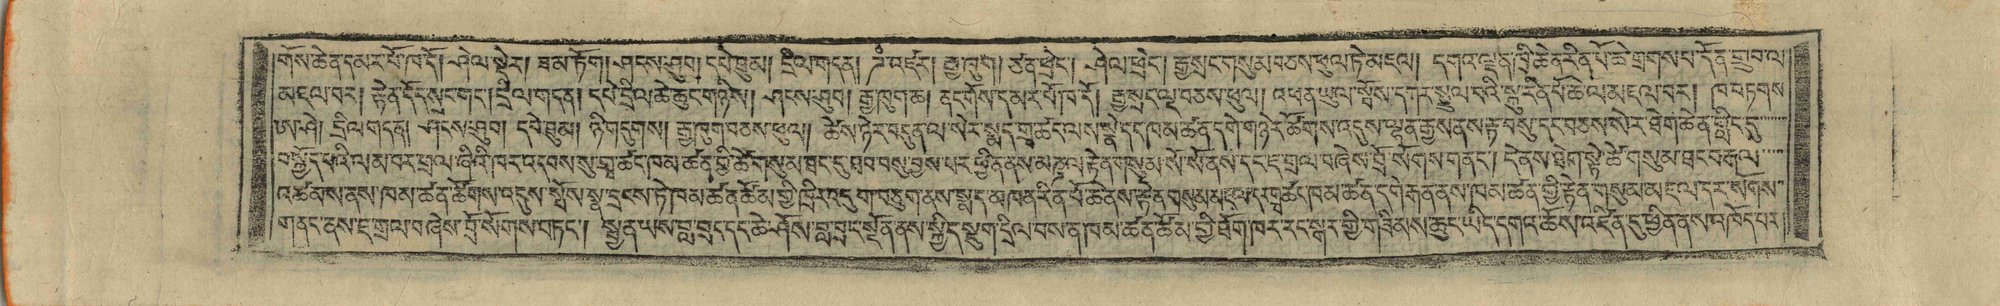གོས་ཆེན་དམར་པོ་ཁ་དོ། ཤེལ་སྡེར། ཟ་མ་ཏོག །ཤངས་ཤུབ། དཔེ་ཐུམ། དྲིལ་གདན། ཌཾ་འཛར། རྒྱ་ཁུག །ཙན་ཕྲེང་། ཤེལ་ཕྲེང་། རྒྱ་སྲང་གསུམ་བཅས་ཕུལ་ཏེ་མཇལ། དགའ་ལྡན་ཁྲི་ཆེན་རིན་པོ་ཆེ་གྲགས་པ་དོན་གྲུབ་ལ་
མཇལ་བར། རྟེན་དོད་སྲང་གང་། དྲི་ལ་གདན། དཔེ་དྲིལ་ཆེ་ཆུན་གཉིས། ཤངས་ཤུབ། རྒྱ་ཁུག་ཆ། ནང་གོས་དམར་པོ་ཁ་དོ། རྒྱ་སྲང་ལྔ་བཅས་ཕུལ། འཕན་ཡུལ་སྤོས་དཀར་སྤྲུལ་བའི་སྐུ་རིན་པོ་ཆེ་ལ་མཇལ་བར། ཁ་བཏགས་
ཨ་ཤེ། དྲིལ་གདན། ཤངས་ཤུབ། དཔེ་ཐུམ། ཉི་གདུགས། རྒྱ་ཁུག་བཅས་ཕུལ། ཚེས་ཉེར་བདུན་ལ་སེར་སྨད་གྲྭ་ཚང་ལས་སྣེ་དང་ཁམ་ཚན་དགེ་གཉེར་ཚོགས་འདུས་ལྷན་རྒྱས་ནས་རྟ་བསུ་དང་བཅས་སེ་ར་ཐེག་ཆེན་གླིང་དུ་
བསྐྱོད་པའི་ལམ་བར་གྲལ་ཞིའི་ཁར་འདབས་སུ་གྲྭ་ཚང་ཁམ་ཚན་གྱི་ཚེ་གསུམ་ཐང་དུ་ཐབ་བསུ་བྱས་པར་ཕྱིན་ནས་མཎྜལ་རྟེན་གསུམ་སོ་སོ་ནས་དང་ཇ་གྲལ་བཞེས་བྲོ་སོགས་གནང་། དེ་ནས་ཐེག་སྟེ་ཚེ་གསུམ་ཐང་བརྒལ་
འཚམས་ནས་ཁམ་ཚན་ཚོགས་འདུས་སྤོས་སྣ་དྲངས་ཏེ་ཁམ་ཚན་ཚོམ་གྱི་ཁྲིར་འདུག་བཅུག་ནས་སྨད་མཁན་རིན་པོ་ཆེ་ནས་རྟེན་གསུམ་མཇལ་དར་གྲྭ་ཚང་ཁམ་ཚན་དགེ་རྒན་ནས་ཁམ་ཚན་གྱི་རྟེན་གསུམ་མཇལ་དར་སོགས་
གནང་ནས་ཇ་གྲལ་བཞེས་བྲོ་སོགས་བཏང་། སྤྱན་ཡས་བླ་བྲང་དང་ཆེ་ཤོས་བླ་བྲང་སྔོན་ནས་སྐྱིད་སྡུག་དྲིལ་བས་ན་ཁམ་ཚན་ཚོམ་གྱི་ཐོག་ཁར་རང་སྒར་གྱི་གཟིམས་ཆུང་ཡིད་དགའ་ཆོས་འཛིན་དུ་ཕྱིན་ནས་འཁོད་པར་